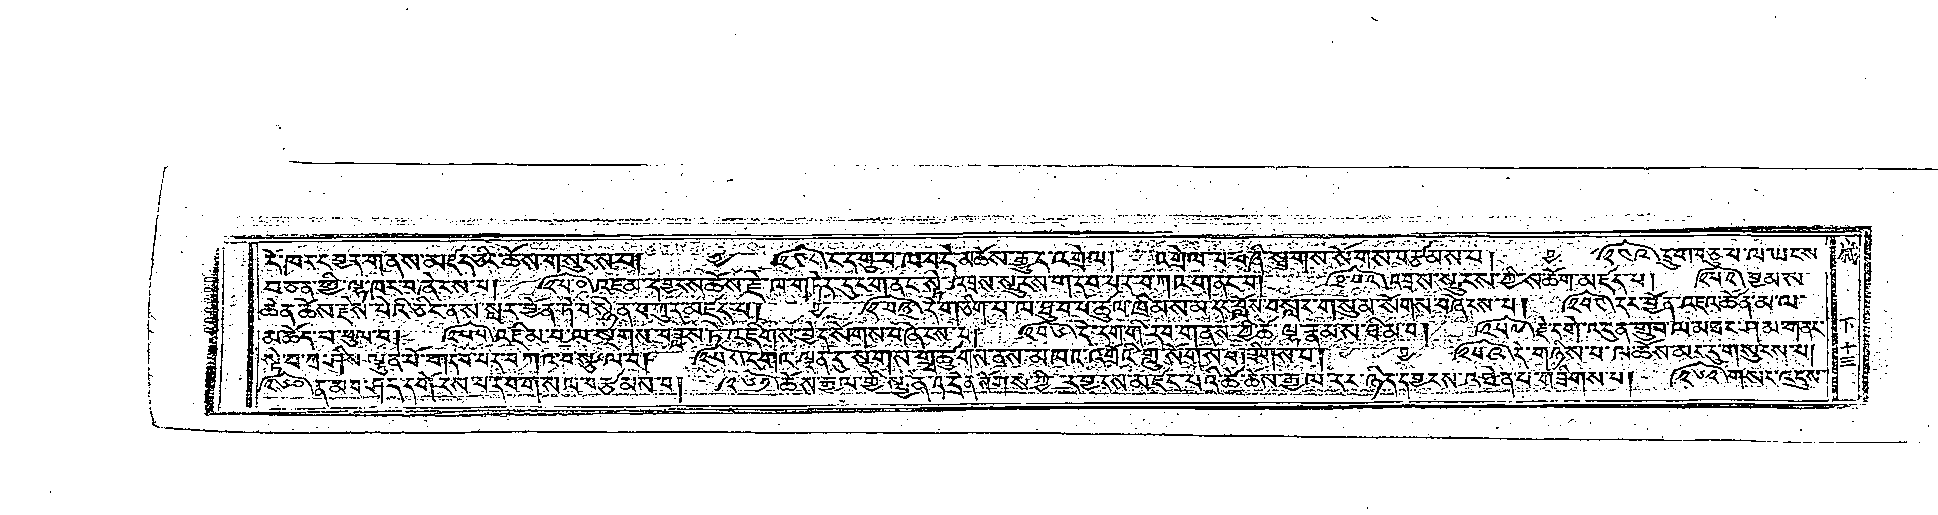ངོ་ཁར་དབྱར་གནས་མཛད་ཅིང་ཆོས་གསུངས་པ། ༧ ༼༢༤༨?་ང་དགུ་པ་ལ་བདེ་མཆོས་རྒྱུད་འགྲེལ། འགྲེལ་པ་བཞི་སྦྲགས་སོགས་བརྩམས་པ། ༧་༽༢༤༩?་དྲུག་བཅུ་པ་ལ་ཡངས་
པ་ཅན་གྱི་ལྷ་ཁང་བཞེངས་པ། ༼༢༥༠?་འཇམ་དབྱངས་ཆོས་རྗེ་ལ་གཏེར་དུང་གནང་སྟི་འབྲས་སྤུངས་གདབ་པར་བཀའ་གནང་བ། ༽༢༥༡?་འབྲས་སྤུངས་ཀྱིས་ཆོག་མཛད་པ། ༢༥༢?་བྱམས་
ཆེན་ཆོས་རྗེས་པེའི་ཅིང་ནས་སླར་བྱོན་ཏེ་བསྙེན་བཀུར་མཛད་པ། ༧ ༼༢༥༣?་རེ་གཅིག་པ་ལ་ཐུབ་པ་ཚུལ་ཁྲིམས་མ་དང་བློས་བསླང་གསུམ་སོགས་བཞེངས་པ། ༽༢༥༤?་དང་བྱོན་འཇའ་ཚོན་མ་ལ་
མཆོད་པ་ཕུལ་བ། ༼༢༥༥?་འཇིམ་པ་ལ་སྔགས་བཟླས་ཏེ་འཇིགས་བྱེད་སོགས་བཞེངས་པ། ༽༢༥༦?་དེ་དག་གི་རབ་གནས་ཀྱི་ཚེ་ལྷ་རྣམས་ཐིམ་པ། ༢༥༧?་རྗེ་དགེ་འདུན་གྲུབ་ལ་མཐང་ཤམ་གནང་
སྟེ་བ་ཀྲ་ཤིས་ལྷུན་པོ་གདབ་པར་བཀའ་བསྩལ་བ། ༼༢༥༨?་དགའ་ལྡན་དུ་སྔགས་གྲྭ་ཚུགས་ནས་མཁའ་འགྲོའི་གླུ་སོགས་གཟིགས་པ། ༧་༽༢༥༩?་དེ་གཉིས་པ་ལ་ཆོས་མང་དུ་གསུངས་པ།
༼༢༦༠?་རྣམ་བཤད་དགོངས་པ་རབ་གསལ་བརྩམས་པ། ༽༢༦༡?་ཆོས་རྒྱལ་གྱི་སྤྱན་འདྲེན་སོགས་ཀྱི་དབྱངས་མཛད་པའི་ཚེ་ཆོས་རྒྱལ་རང་ཉིད་དབྱངས་འཐེན་པ་གཟིགས་པ། ༢༦༢?་གསང་འདུས་